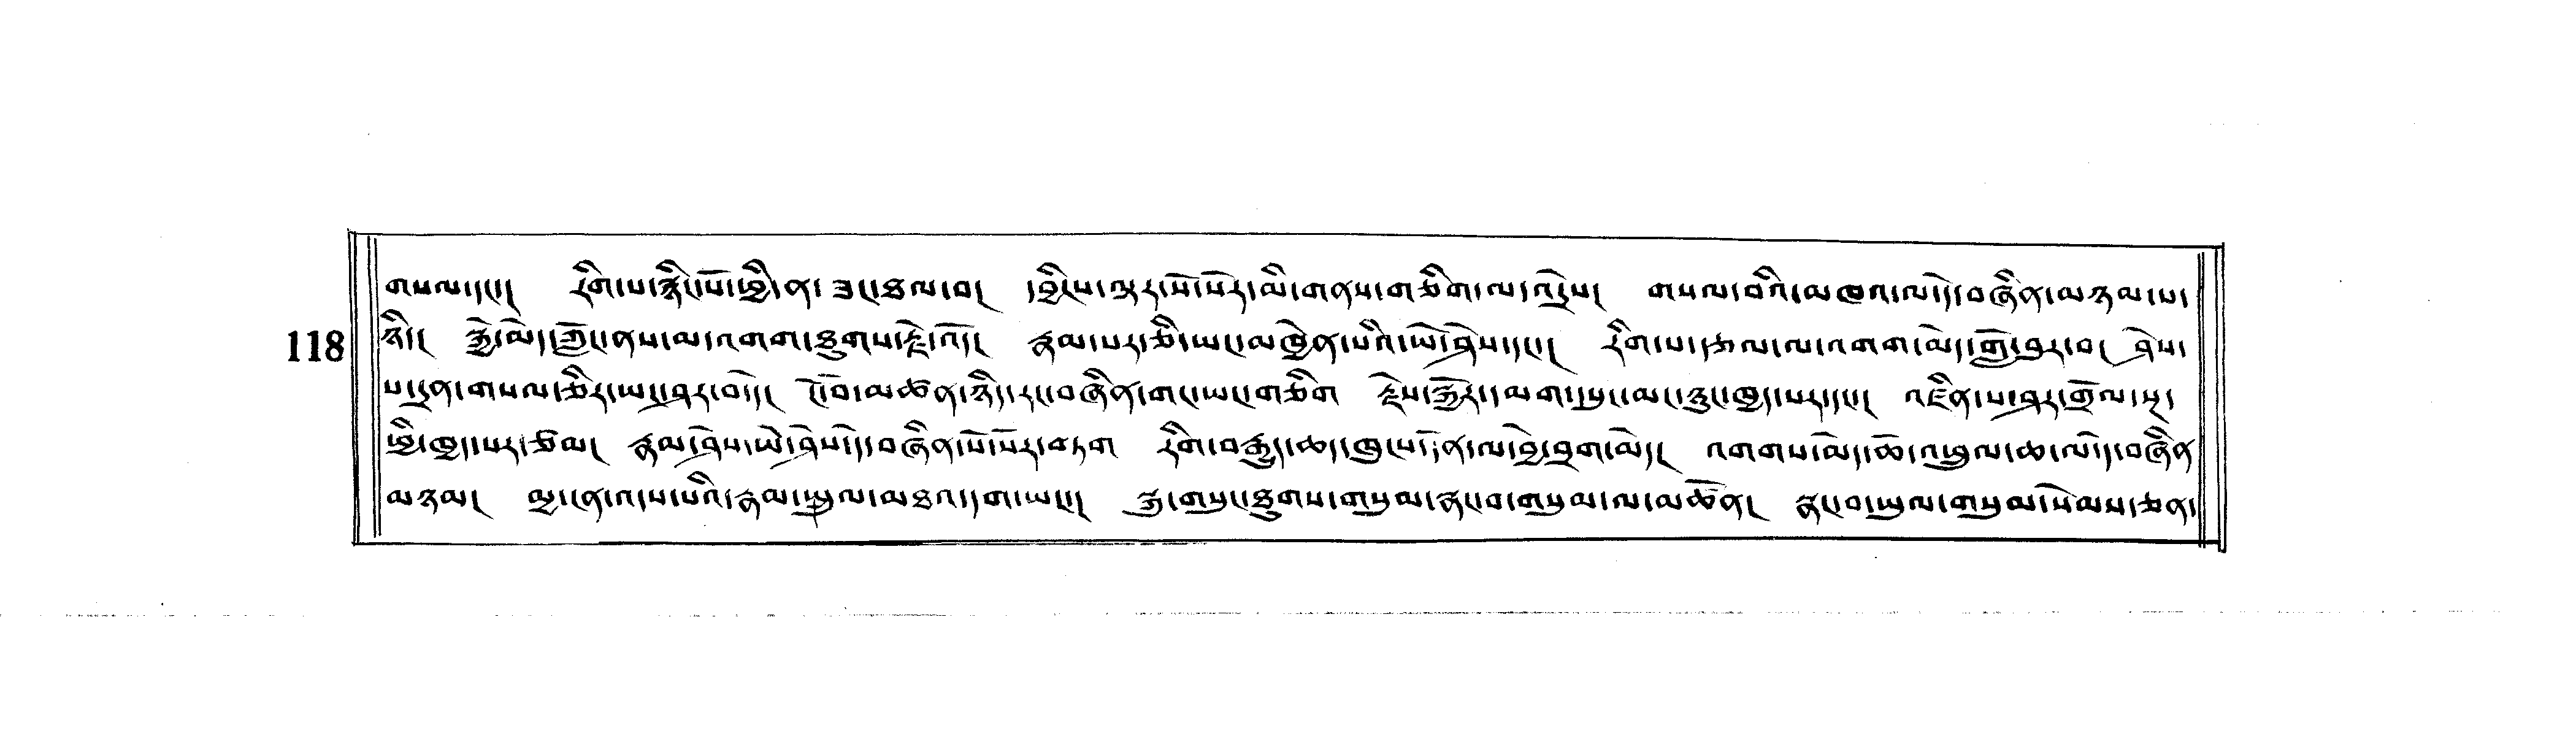གསལ་དང་། རིག་པ་སྙིང་པོ་ཕྱི་ན་ཟང་ཐལ་བ། དབྱིངས་ལྟར་སོ་སོར་མི་གནས་གཅིག་ལ་འདྲེས། གསལ་བའི་མཁའ་ལ་དེ་བཞིན་མཉམ་པ་
ཉིད། སྐྱེ་མེད་ཀློང་ནས་མ་འགག་ཐུགས་རྗེ་འོད། རྣམ་པར་ཅིར་ཡང་མཁྱེན་པའི་ཡེ་ཤེས་དང་། རིག་པ་རྩལ་ལ་འགག་མེད་གློ་བུར་བ། ཤེས་
པ་དྲན་གསལ་ཅིར་ཡང་ཤར་བ་དེ། ངོ་བོ་མཚན་ཉིད་རང་བཞིན་གང་ཡང་གཅིག རྗེས་སྐྱོར་དམག་དཔུང་མང་ཉུང་ཁྱད་པར་དང་། འཛིན་པ་ཤར་གྲོལ་སྔ་
ཕྱི་ཁྱད་པར་ཙམ། རྣམ་ཤེས་ཡིད་ཤེས་དེ་བཞིན་སོ་སོར་བཏགས། རིགས་རྒྱུད་ཆད་ཁུངས་དོན་ལ་བྱེ་བྲག་མེད། འགག་མེད་ཆོ་འཕྲུལ་ཆ་ལ་དེ་བཞིན་
མཉམ། མྱ་ངན་འདས་པའི་རྣམ་སྤྲུལ་མཐའ་དག་ཡང་། སྐུ་གསུང་ཐུགས་གསུམ་སྣང་བ་གསུམ་ལ་མཚོན། སྣང་བ་ཡུལ་གསུམ་སེམས་ཅན་